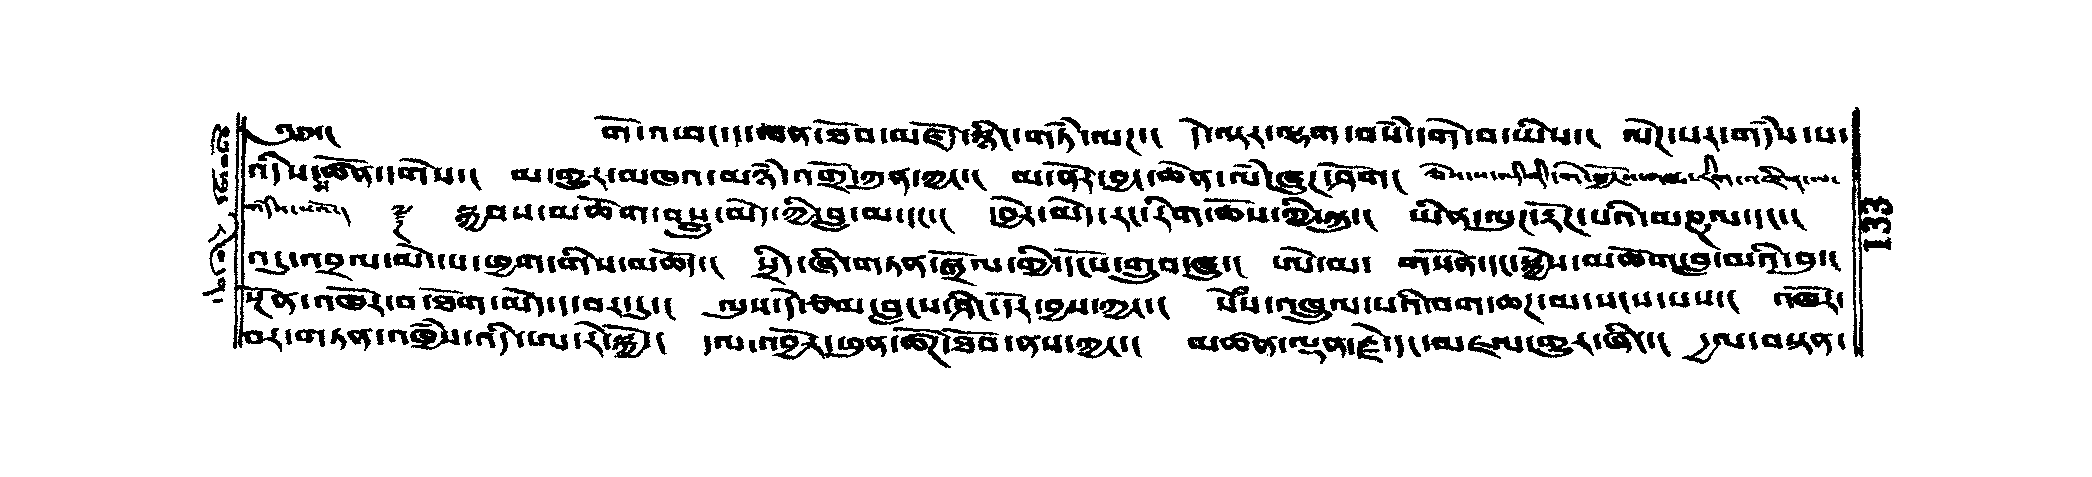གོ་འཕང་ད་ལན་ཐོབ་མཛོད་སྙིང་གཏམ་ལགས། །དེ་ལྟར་ལྷག་བསམ་དགེ་བ་ཡིས། །ལེགས་པར་གདམས་པ་
འདིས་མཚོན་དགེས། །མ་གྱུར་མཁའ་མཉམ་འགྲོ་ཀུན་ཀྱང་། །མ་ནོར་བྱང་ཆེན་ལམ་ཞུགས་ཤོག ཅེས་པ་འདི་ནི་དགེ་སློང་ཀརྨ་རིག་འཛིན་ལ་
གདམས་པའོ།། ༈ སྐྱབས་མཆོག་བསླུ་མེད་ཀྱི་བླ་མ་དང་། །དབྱེར་མེད་རང་རིག་ཆོས་ཀྱི་སྐུར། །ཡིན་ལུགས་རྟོགས་པའི་མཎྜལ་དང་། །
འདུ་འབྲལ་མེད་པར་ཕྱག་གིས་མཆོད། །སྲིད་ཞི་གཏན་སྒྲོལ་གྱི་དངོས་གྲུབ་ཞུ། ཨེ་མ། གསོན་དང་སྐྱེས་མཆོག་ལྷ་ཡི་བུ། །
སྔོན་འཁོར་བ་ཐོག་མེད་ནས་ད་བར་དུ། །ལུས་དེ་ཙམ་བླངས་ཤིང་དོར་བྱས་ཀྱང་། །སེམས་འཁྲུལ་བའི་བག་ཆགས་མ་སངས་པས། །འཁོར་
བར་གཏན་འཁྱམས་འདི་ཨ་རེ་སྐྱོ1$10002201$1000180། །དལ་འབྱོར་ཕུན་ཚོགས་ཐོབ་ནས་ཀྱང་། །མཚན་ལྡན་རྗེ་དང་མཇལ་གྱུར་ཞིང་། །རྒྱལ་བསྟན་